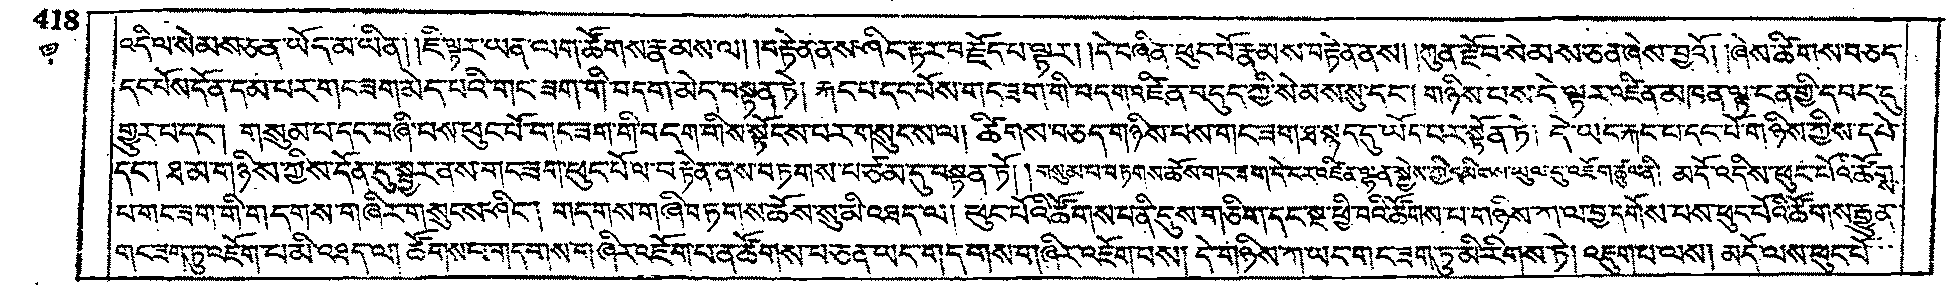འདི་ལ་སེམས་ཅན་ཡོད་མ་ཡིན། །ཇི་ལྟར་ཡན་ལག་ཚོགས་རྣམས་ལ། །བརྟེན་ནས་ཤིང་རྟར་བརྗོད་པ་ལྟར། །དེ་བཞིན་ཕུང་པོ་རྣམས་བརྟེན་ནས། །ཀུན་རྫོབ་སེམས་ཅན་ཞེས་བྱའོ། །ཞེས་ཚིགས་བཅད་
དང་པོས་དོན་དམ་པར་གང་ཟག་མེད་པའི་གང་ཟག་གི་བདག་མེད་བསྟན་ཏེ། རྐང་པ་དང་པོས་གང་ཟག་གི་བདག་འཛིན་བདུད་ཀྱི་སེམས་སུ་དང་། གཉིས་པས་དེ་ལྟར་འཛིན་མཁན་ལྟ་ངན་གྱི་དབང་དུ་
གྱུར་པ་དང་། གསུམ་པ་དང་བཞི་པས་ཕུང་པོ་གང་ཟག་གི་བདག་གིས་སྟོངས་པར་གསུངས་ལ། ཚིགས་བཅད་གཉིས་པས་གང་ཟག་ཐ་སྙད་དུ་ཡོད་པར་སྟོན་ཏེ། དེ་ཡང་རྐང་པ་དང་པོ་གཉིས་ཀྱིས་དཔེ་
དང་། ཐ་མ་གཉིས་ཀྱིས་དོན་དུ་སྦྱར་ནས་གང་ཟག་ཕུང་པོ་ལ་བརྟེན་ནས་བཏགས་པ་ཙམ་དུ་བསྟན་ཏོ། །གསུམ་པ་བཏགས་ཆོས་གང་ཟག་དེ་ངར་འཛིན་ལྷན་སྐྱེས་ཀྱི་དམིགས་ཡུལ་དུ་འཇོག་ཚུལ་ནི།  མདོ་འདིས་ཕུང་པོའི་ཚོགས་
པ་གང་ཟག་གི་གདགས་གཞིར་གསུངས་ཤིང་། གདགས་གཞི་བཏགས་ཆོས་སུ་མི་འཐད་ལ། ཕུང་པོའི་ཚོགས་པ་ནི་དུས་གཅིག་དང་སྔ་ཕྱི་བའི་ཚོགས་པ་གཉིས་ཀ་ལ་བྱ་དགོས་པས་ཕུང་པོའི་ཚོགས་རྒྱུན་
གང་ཟག་ཏུ་འཇོག་པ་མི་འཐད་ལ། ཚོགས་པ་གདགས་གཞིར་འཇོག་པ་ན་ཚོགས་པ་ཅན་ཡང་གདགས་གཞིར་འཇོག་པས། དེ་གཉིས་ཀ་ཡང་གང་ཟག་ཏུ་མི་རིགས་ཏེ། འཇུག་པ་ལས། མདོ་ལས་ཕུང་པོ་